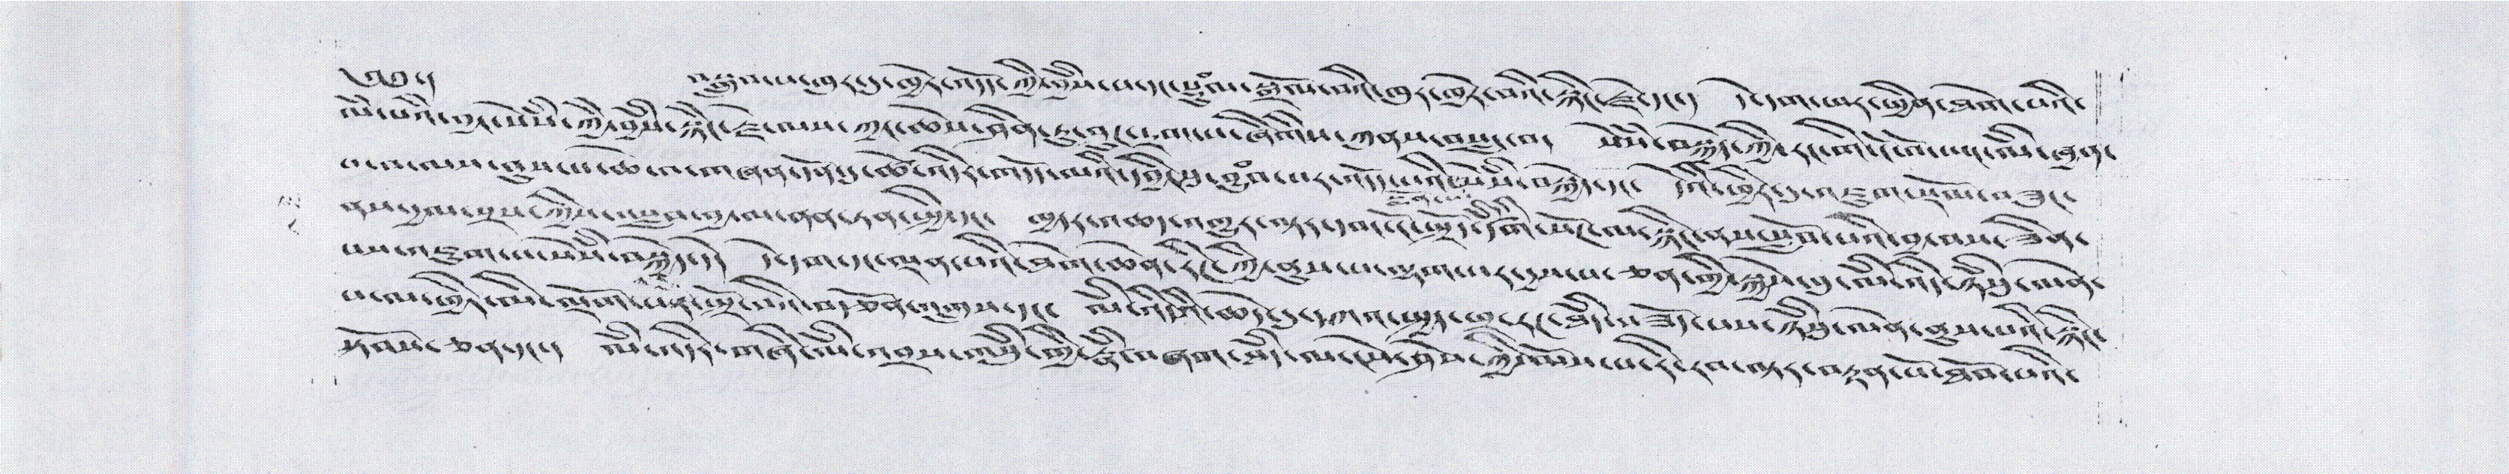བསྒྲུབ་པ་ཁུར་དུ་འཁྱེར་འདོད་ཀྱི་བྱམས་པ་དང་སྡུག་བསྔལ་སྒྲོལ་བའི་ཁུར་ཁྱེར་བའི་སྙིང་རྗེ་དང་། དེ་དག་ཕར་ཕྱིན་ཐེག་པའི་
ལམ་པའི་བྱང་སེམས་ཀྱི་བྱམས་སྙིང་རྗེ་ལས་ཀྱང་ཆེས་ཤིན་ཏུ་ཤུགས་དྲག་པ་ཞིག་གིས་ཀུན་ནས་བསླངས་བ། སེམས་བསྐྱེད་ཀྱི་རང་གི་ངོ་བོ་ཡང་མི་གཞན་
པ་ལས་ནུས་པ་ཆེ་བ་གཞན་དོན་དུ་ཚེ་འདིར་གདོད་མའི་དབྱིངས་སུ་བྱང་ཆུབ་པར་འདོད་པའི་སྨོན་པ་སེམས་བསྐྱེད་དང་། དེའི་ཕྱིར་དུ་འཇུག་སྡོམ་བཟུང་
ནས་རྒྱལ་སྲས་ཀྱི་བསླབ་བྱ་ལ་ནན་ཏན་སྤྱི་དང་ཁྱད་པར་འཆད་འགྱུར་ལྟར་དབང་ངོ་སྤྲོད་དམ་ཚིག་སོགས་ལ་སྙིང་ནས་སློབ་པའི་བྱ་བས་ཟིན་
པས་འཇུག་པ་སེམས་བསྐྱེད་དེ། དེ་དག་དང་ལྡན་པའི་ཐེག་ཆེན་རིགས་ཀྱི་ནུས་པ་ལྷག་པར་རྒྱས་པ་ཅན་གྱི་སྐྱེས་བུ་ལམ་འདི་ཉམས་སུ་ལེན་
པ་ལ་ཕྱིར་མི་ལྡོག་པའི་སྤྲོ་བའི་བརྩོན་འགྲུས་དང་། ལམ་འདིའི་ཆེད་དུ་དཀའ་སྤྱད་ཕྲ་རགས་ཐམས་ཅད་བཟོད་པས་ཉམས་སུ་ལེན་ནུས་པའི་སྙིང་
རྗེ་སྟོབས་ཅན་དང་ལམ་འདིར་གཞི་ལམ་འབྲས་གསུམ་གྱི་རྣམ་གཞག་ཐམས་ཅད་ལ་ངེས་ཤེས་ཀྱི་མོས་པ་རི་རབ་ལྟར་བརྟན་པོ་ཐོབ་པའི་